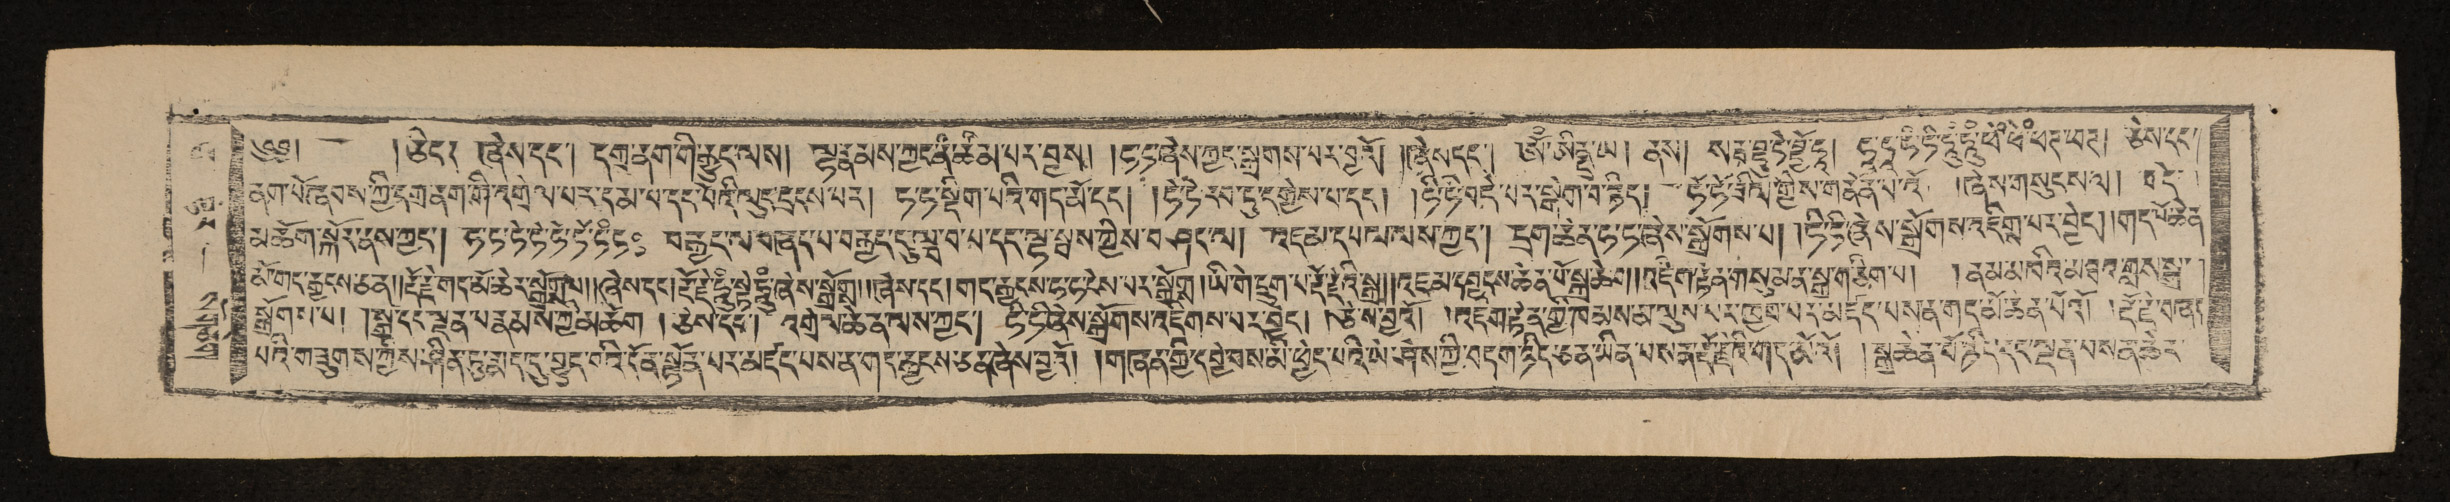༄༅། །ཅིང༑ ཞེས་དང་། དགྲ་ནག་གི་རྒྱུད་ལས། ལྷ་རྣམས་ཀྱང་ནི་ཚིམ་པར་བྱས། །ཧ་ཧ་ཞེས་ཀྱང་སྒྲགས་པར་བྱའོ། །ཞེས་དང་། ཨོཾ་ཨིནྡྲ་ཡ། ནས། སརྦ་བྷུ་ཏེ་བྷྱོ་ཧཱ། ཧཱ་ཧཱ་ཧི་ཧི་ཧཱུཾ་ཧཱུཾ་ཕེཾ་ཕེཾ་ཕཊ་ཕཊ། ཅེས་དང་།
ནག་པོ་ཞབས་ཀྱི་དགྲ་ནག་གི་འགྲེལ་པར་དམ་པ་དང་པོའི་ལུང་དྲངས་པར། ཧ་ཧ་སྡིག་པའི་གད་མོ་དང་། །ཧེ་ཧེ་རབ་ཏུ་དགྱེས་པ་དང་། །ཧི་ཧི་བདེ་བར་སྒེག་པ་ཉིད། །ཧོ་ཧོ་ཟིལ་གྱིས་གནོན་པ་འོ། །ཞེས་གསུངས་ལ། བདེ་
མཆོག་སྐོར་ནས་ཀྱང་། ཧ་ཧ་ཧེ་ཧེ་ཧོ་ཧོ་ཧཾ་ཧཿ བརྒྱད་ལ་བཞད་པ་བརྒྱད་དུ་ལྭ་བ་པ་དང་ལྷ་སྦས་ཀྱིས་བཤད་ལ། འཇམ་དཔལ་ལས་ཀྱང་། དྲག་ཆེན་ཧ་ཧ་ཞེས་སྒྲོགས་པ། །ཧི་ཧི་ཞེས་སྒྲོགས་འཇིགས་པར་བྱེད། །གད་མོ་ཆེན་
མོ་གད་རྒྱངས་ཅན། །རྡོ་རྗེ་གད་མོ་ཆེར་སྒྲོགས་པ། །ཞེས་དང་། རྡོ་རྗེ་ཧཱུཾ་སྟེ་ཧཱུཾ་ཞེས་སྒྲོགས། །ཞེས་དང་། གད་རྒྱངས་ཧ་ཧ་ངེས་པར་སྒྲོགས་།ཡི་གེ་དྲུག་པ་རྡོ་རྗེའི་སྒྲ། །འཇམ་དབྱངས་ཆེན་པོ་སྒྲ་ཆེ་བ། །འཇིག་རྟེན་གསུམ་ན་སྒྲ་གཅིག་པ། །ནམ་མཁའི་མཐའ་ཀླས་སྒྲ་
སྒྲོགས་པ། །སྒྲ་དང་ལྡན་པ་རྣམས་ཀྱི་མཆོག །ཅེས་དང་། འགྲེལ་ཆེན་ལས་ཀྱང་། ཧི་ཧི་ཞེས་སྒྲོགས་འཇིགས་པར་བྱེད། །ཅེས་བྱའོ། །འཇིག་རྟེན་གྱི་ཁམས་མ་ལུས་པར་ཁྱབ་པར་མཛད་པས་ན་གད་མོ་ཆེན་པོའོ། །རྡོ་རྗེ་བཞད་
པའི་གཟུགས་ཀྱིས་ཤིན་ཏུ་རྨད་དུ་བྱུང་བའི་དོན་སྟོན་པར་མཛད་པས་ན་གད་རྒྱངས་ཅན་ཞེས་བྱའོ། །གཞན་གྱི་དབྱེ་བས་མི་ཕྱེད་པའི་ཡེ་ཤེས་ཀྱི་བདག་ཉིད་ཅན་ཡིན་པས་ན་རྡོ་རྗེའི་གད་མོའོ། །སྒྲ་ཆེན་པོ་ཉིད་དང་ལྡན་པས་ན་ཆེར་